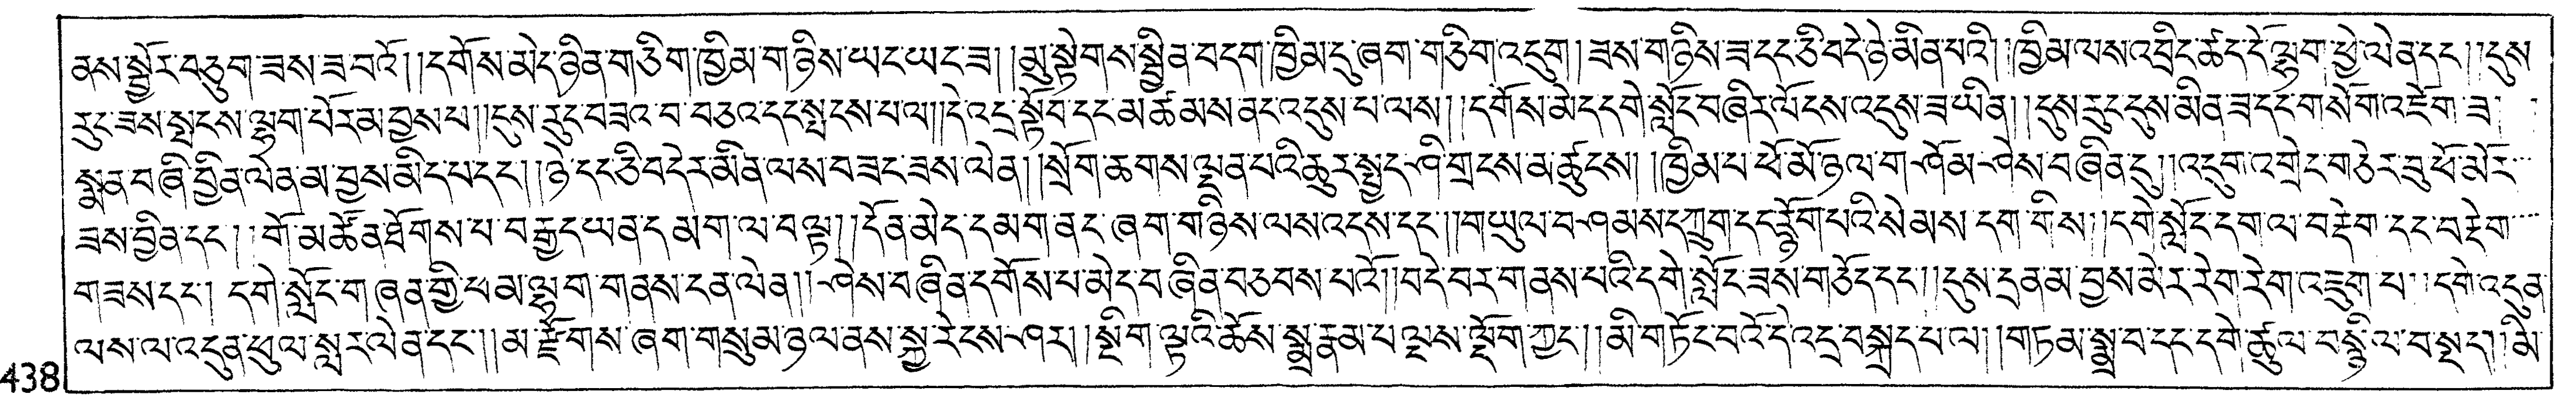ནས་སྦྱོར་བཅུག་ཟས་ཟ་བའོ། །དགོས་མེད་ཉིན་གཅིག་ཁྱིམ་གཉིས་ཡང་ཡང་ཟ། །མུ་སྟེགས་སྦྱིན་བདག་ཁྱིམ་དུ་ཞག་གཅིག་འདུག །ཟས་གཉིས་ཟ་དང་ཅི་བདེ་ཉེ་མིན་པའི། །ཁྱིམ་ལས་འབྲིང་ཚད་དོ་ལྷག་ཕྱེ་ལེན་དང་། །དུས་
རུང་ཟས་སྤངས་ལྷག་པོར་མ་བྱས་པ། །དུས་རུང་བཟའ་བ་བཅའ་དང་སྤངས་པ་ལ། །དེ་འདྲ་སྟོབ་དང་མཚམས་ནང་འདུས་པ་ལས། །དགོས་མེད་དགེ་སློང་བཞིར་ལོངས་འདུས་ཟ་ཡིན། །དུས་རུང་དུས་མིན་ཟ་དང་གསོག་འཇོག་ཟ། །
སྨན་བཞི་བྱིན་ལེན་མ་བྱས་མིད་པ་དང་། །ཉེ་དང་ཅི་བདེར་མིན་ལས་བཟང་ཟས་ལེན། །སྲོག་ཆགས་ལྡན་པའི་ཆུར་སྤྱད་ཤི་གྲངས་མཚུངས། །ཁྱིམ་པ་ཕོ་མོ་ཉལ་གཤོམ་ཤེས་བཞིན་དུ། །འདུག་འགྲེང་གཅེར་བུ་ཕོ་མོར་
ཟས་བྱིན་དང་། །གོ་མཚོན་ཐོགས་པ་བརྒྱད་ཡན་དམག་ལ་བལྟ། །དོན་མེད་དམག་ནང་ཞག་གཉིས་ལས་འདས་དང་། །གཡུལ་བཤམས་དཀྲུག་དང་རྙོག་པའི་སེམས་དག་གིས། །དགེ་སློང་དག་ལ་བརྡེག་དང་བརྡེག་
གཟས་དང་། དགེ་སློང་ཞན་གྱི་ཕམ་ལྷག་གནས་ངན་ལེན། །ཤེས་བཞིན་དགོས་པ་མེད་བཞིན་བཅབས་པའོ། །བདེ་བར་གནས་པའི་དགེ་སློང་ཟས་གཅོད་དང་། དུས་དྲན་མ་བྱས་མེར་རེག་རེག་འཇུག་པ། །དགེ་འདུན་
ལས་ལ་འདུན་ཕུལ་སླར་ལེན་དང་། །མ་རྫོགས་ཞག་གསུམ་ཉལ་ནས་སྐྱ་རེངས་ཤར། །སྡིག་ལྟའི་ཆོས་སྨྲ་རྣམ་པ་ལྔས་ལྡོག་ཀྱང་། །མི་གཏོང་བའོ་དེ་འདྲ་བསྐྲད་པ་ལ། །གཏམ་སྨྲ་བ་དང་དགེ་ཚུལ་བསྙིལ་བསྡད། །མི་